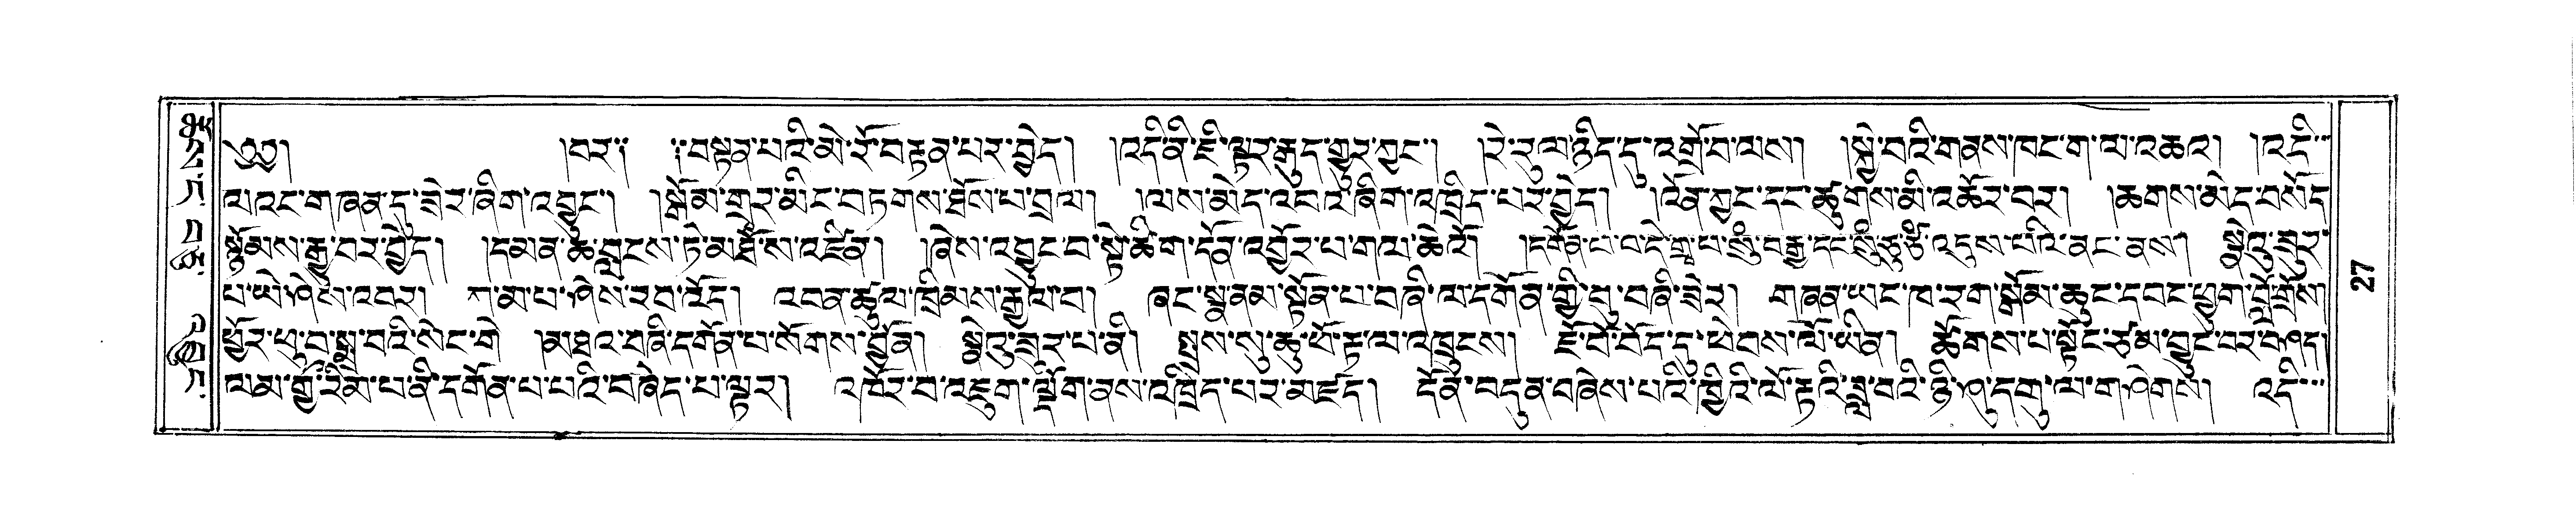༄༅། །བར༑ ༑བསྟན་པའི་མེ་རོ་བརྟན་པར་བྱེད། །འདི་ནི་ཇི་ལྟར་རྒུད་གྱུར་ཀྱང་། །རེ་རུལ་ཉིད་དུ་འགྲོ་བ་ལས། །སྐྱེ་བའི་གནས་ཁང་ག་ལ་འཆའ། །འདི་
ལའང་གཞན་དུ་ཟེར་ཞིག་འབྱུང་། །སྒོམ་གྲྭར་མིང་བཏགས་ཐོས་པ་བྲལ། །ལས་མེད་འབའ་ཞིག་འཁྲིད་པར་བྱེད། །འོན་ཀྱང་དང་ཚུགས་མི་འཆོར་བར། །ཆགས་མེད་བསོད་
སྙོམས་རྒྱུ་བར་བྱེད། །དམན་ཆ་བླངས་ཏེ་མཐོཾ་ས་འཛིན། །ཞེས་འབྱུང་བ་སྟེ་ཚིག་དོན་འབྱོར་པ་གལ་ཆེའོ། །དགོན་པ་བ་དེ་གྲྭ་པ་སུཾ་བརྒྱ་དང་སུཾ་ཅུ་ཙཾ་འདུས་པའི་ནང་ནས། སྣེའུ་ཟུར་
པ་ཡེ་ཤེས་འབར། ཀ་མ་པ་ཤེས་རབ་འོད། འབན་ཚུལ་ཁྲིམས་རྒྱལ་བ། ཞང་སྣ་ནམ་སྟོན་པ་བཞི་ལ་དགོན་གྱི་བུ་བཞི་ཟེར། གཞན་ཡང་ཁ་རག་སྒོམ་ཆུང་དབང་ཕྱུག་བློ་གྲོས།
ཕྱོར་ཕུ་བ་སྨྲ་བའི་སེང་གེ །མཐའ་བཞི་དགོན་པ་སོགས་བྱོན། སྣེའུ་ཟུར་པ་ནི། སྤྲས་སུ་ཆུ་ཕོ་རྟ་ལ་འཁྲུངས། ཇོ་བོ་བོད་དུ་ཕེབས་ལོ་ཡིན། ཚོགས་པ་སྟོང་ཙམ་བྱུང་བར་བཤད།
ལམ་གྱྀ་རིམ་པ་ནི་དགོན་པ་པའི་བཞེད་པ་ལྟར། འཁོར་བ་འཇུག་ལྡོག་ནས་འཁྲིད་པར་མཛད། དོན་བདུན་བཞེས་པའི་ཁྱིའི་ལོ་རྟའི་ཟླ་བའི་ཉི་ཤུ་དགུ་ལ་གཤེགས། འདི་